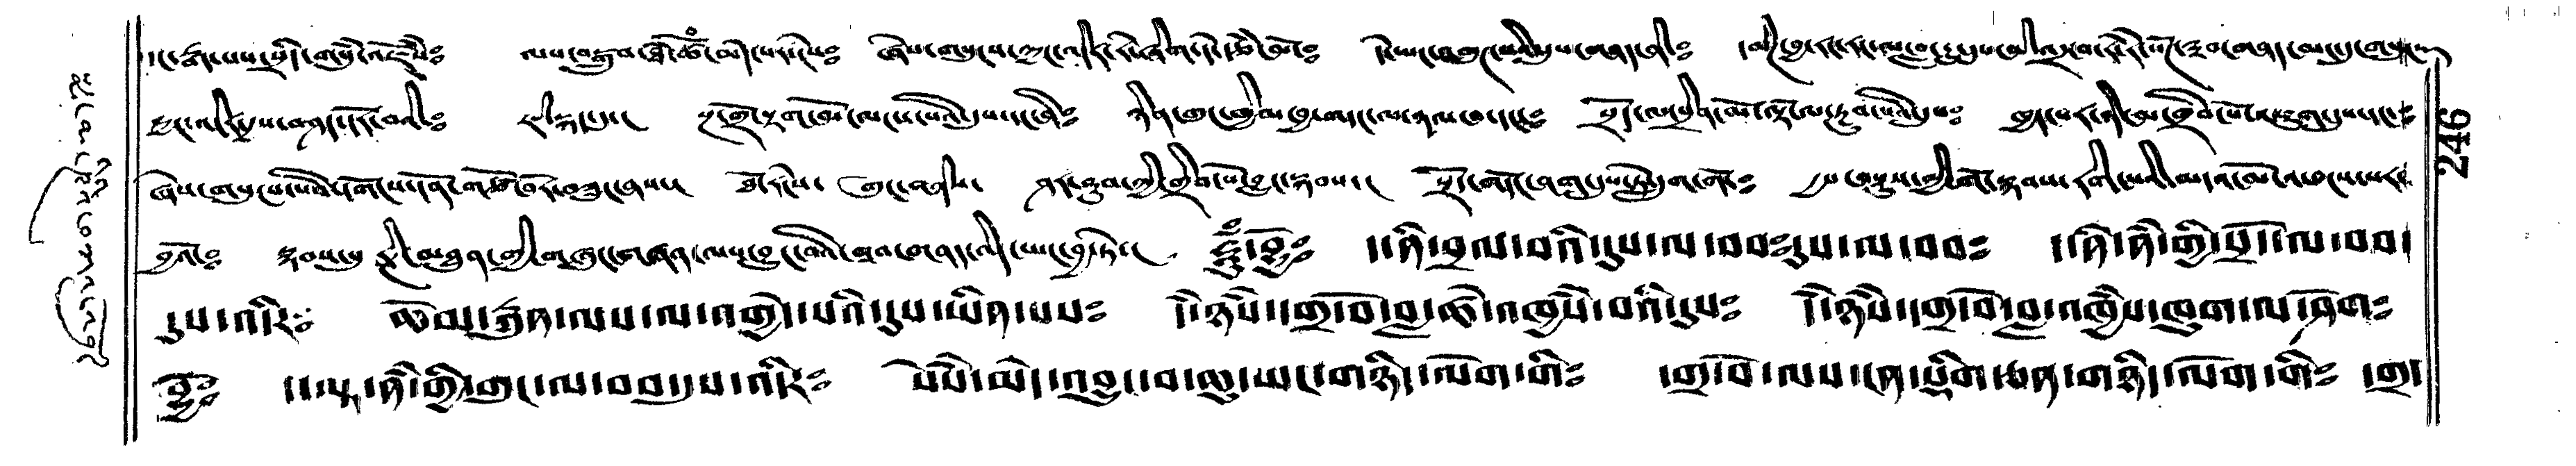དང་རྦད་པས་སྲིད་གསུམ་རྗོམས་ ཿ ལས་བསྒྲུབ་ཐེ་ཚོམ་མེད་པར་ངེསཿ ཞེས་གསུངས་ཀྱང་འདིར་རེ་ཞིག་དེ་ཙམ་མོ། དེ་ཡང་འགུགས་པའི་དུས་གནད་ནི། དམིགས་བྱ་རང་རང་ལ་བླ་རྒྱུད་དུས་མི་འདྲ་བ་རེ་རེ་སོགས་ཟབ་གནད་མང་དུ་གསུངས་
ཀྱང་འདིར་རྒྱས་བཤད་དོར་བའི། ཇི་སྐད་དུ། སྔ་དྲོ་སྟག་མོ་ལངས་པའི་དུས་དང་ནིཿ ཉིན་དུང་ཁྱིམ་བྱ་གདང་ལ་ཉལ་བ་དངཿ སྲོད་ལ་སྲིན་མོ་ལྟོ་ལ་རྔམ་པའི་དུསཿཁྱད་པར་ཉི་མ་གྲིབ་སོ་འཇུག་དུས་དངཿ 
ཞེས་གསུངས་པའི་དགོངས་དོན་གཙོ་བོར་བཟུང་ནས། ཐོ་རེངས། གུང་གཉིས། ཤར་ནུབ་ཀྱི་གྲིབ་སོ་བྱུང་སྐབས། སྲོད་གདོང་ནག་དུས་ཏེ་དྲུག་གོཿ རྒྱས་བསྡུས་ཀྱི་གོ་སྐབས་རིག་པའི་མདའ་མོ་འཕེན་པར་
བྱའོཿ སྐབས་སུ་རིགས་མཐུན་གྱི་གཞུང་གཞན་ལས་བྱུང་བའི་ཟབ་གནད་འདི་ཡང་བྱ་སྟེ། ཧཱུྃ་བྷྱོཿ ད་ནི་དགྲ་བོ་སྒྲོལ་བའི་དུས་ལ་བབཿ ད་ནི་ནམ་གྱི་སྲོད་ལ་བབ་
དུས་འདིརཿ ཆོམ་རྐུན་ལས་ལ་འགྱེད་པའི་དུས་ཡིན་པསཿ དམ་ཉམས་དགྲ་བོའི་བླ་ཚེ་འཁྱམས་པའི་དུསཿ དམ་ཉམས་དགྲ་བོའི་བླ་འཁྱམས་ཁུག་ལ་ཤོགཿ 
བྷྱོཿ ད་ལྟ་ནམ་གྱི་གུང་ལ་བབ་དུས་འདིརཿ སེམས་མེད་འབྱུང་བ་ཆུ་ཡང་གཉིད་ལོག་གིཿ དགྲ་